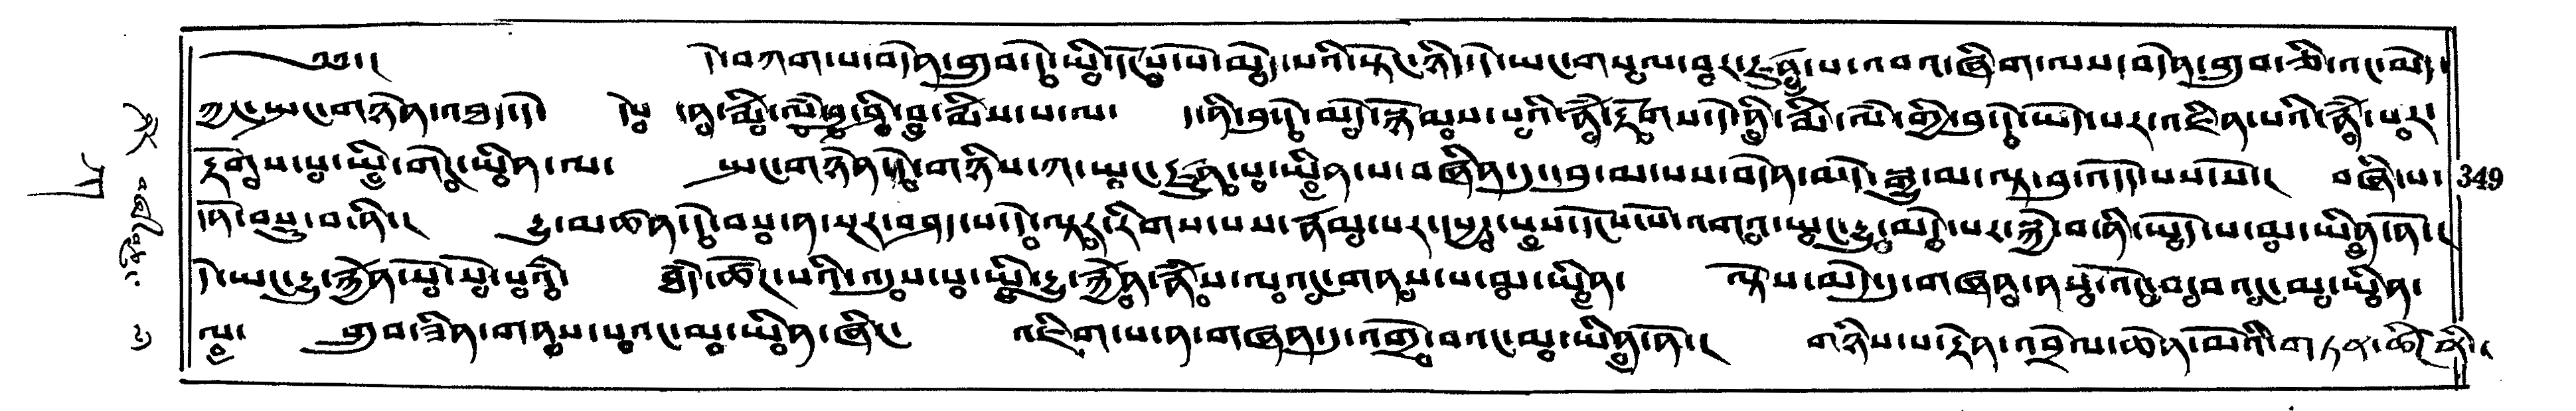དེ་བཀག་པ་བདེན་གྲུབ་དེ་ཡི་དངོས་པོ་མེད་པའི་སྟོང་ཉིད་དེ་ཡང་གསལ་བར་རྫུན་པ་འབའ་ཞིག་ལས་བདེན་གྲུབ་ཅིའང་མེད་
ཀྱང་སྤང་གཉེན་འཐད་དེ། དེས་ན་རྨི་ལམ་བུ་ཤི་བ་རྨིས་པ་ལ། ད་ནི་བུ་དེ་མེད་སྙམ་པའི་རྣམ་རྟོག་དེ་ནི་རྨི་ལམ་གྱི་བུ་དེ་ཡོད་པར་འཛིན་པའི་རྣམ་པར་
རྟོག་པ་ཡི་གེགས་ཡིན་ལ། སྤང་གཉེན་དེ་གཉིས་ཀ་ཡང་རྫུན་པ་ཡིན་པ་བཞིན་དུ་དབུ་མ་པས་བདེན་མེད་སྒྱུ་མ་ལྟ་བུ་འདོད་པས་སོ།། བཞི་པ་
དོན་བསྡུ་བ་ནི། རྒྱུ་མཚན་དེ་བས་ན་སྔར་བཤད་པ་དེ་ལྟར་རིགས་པས་རྣམ་པར་དཔྱད་པས་དངོས་པོ་འགའ་ཡང་རྒྱུ་མེད་པར་སྐྱེ་བ་ནི་ཡོད་པ་མ་ཡིན་ནོ།། 
དེ་ཡང་རྒྱུ་རྐྱེན་སོ་སོ་པའམ། ཐམས་ཅད་ཚོགས་པའི་འདུས་པ་ཡི་རྒྱུ་རྐྱེན་རྣམས་ལའང་གནས་པ་མ་ཡིན། ལྟོས་མེད་དུ་གཞན་ནས་འོང་བ་བའང་མ་ཡིན་
ལ། གྲུབ་ཟིན་གནས་པའང་མ་ཡིན་ཞིང་། འཇིག་པ་ན་གཞན་དུ་འགྲོ་བའང་མ་ཡིན་ནོ། གཉིས་པ་རྟེན་འབྲེལ་ཆེན་མོའི་གཏན་ཚིགས་ནི།